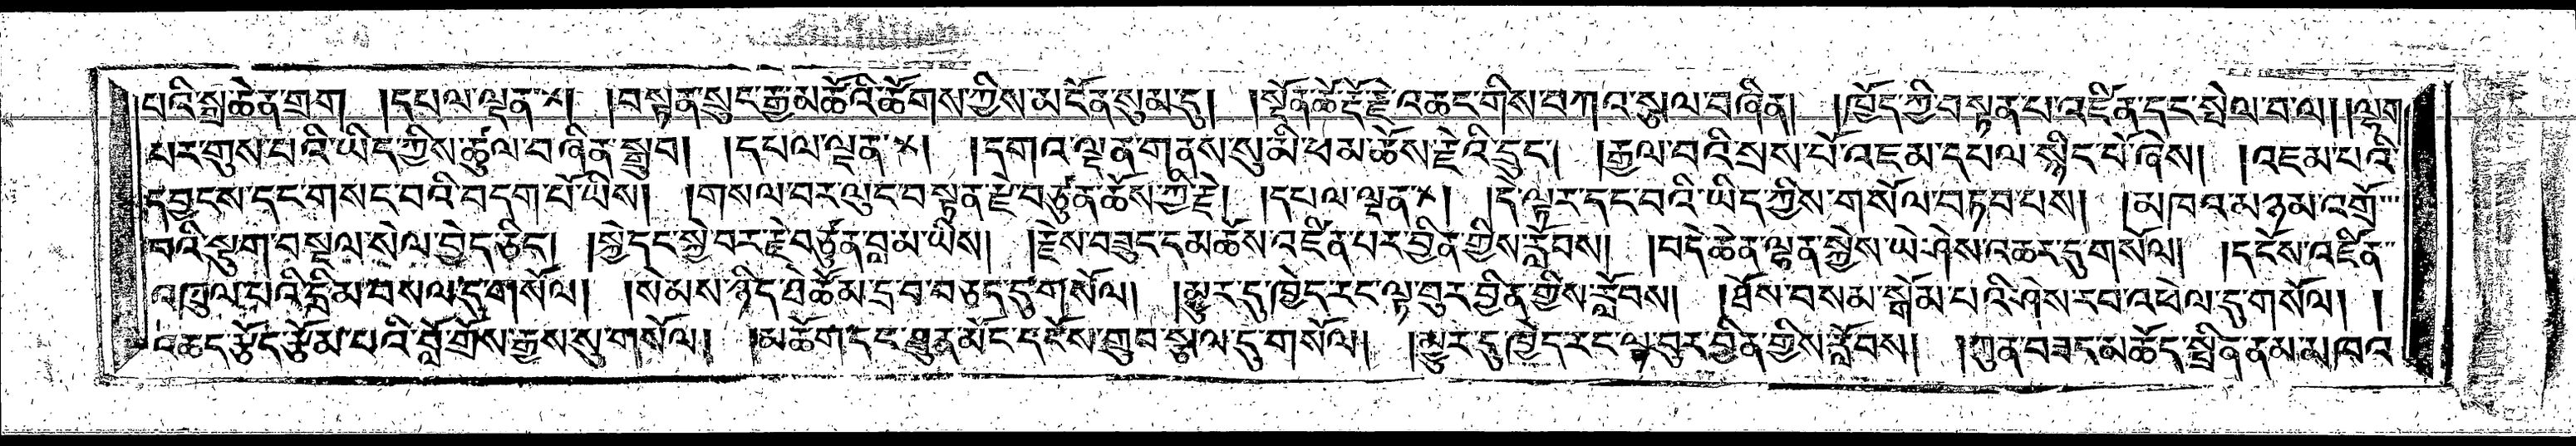པའི་སྒྲ་ཆེན་གྲག །དཔལ་ལྡན་{྾}། །བསྟན་སྲུང་རྒྱ་མཚོའི་ཚོགས་ཀྱིས་མངོན་སུམ་དུ། །སྔོན་ཚེ་རྡོ་རྗེ་འཆང་གིས་བཀའ་སྩལ་བཞིན། །ཁྱོད་ཀྱི་བསྟན་པ་འཛིན་དང་སྤེལ་བ་ལ། །ལྷག་
པར་གུས་པའི་ཡིད་ཀྱིས་ཚུལ་བཞིན་སྒྲུབ། །དཔལ་ལྡན་{྾}། །དགའ་ལྡན་གནས་སུ་མི་ཕམ་ཆོས་རྗེའི་དྲུང་། །རྒྱལ་བའི་སྲས་པོ་འཇམ་དཔལ་སྙིང་པོ་ཞེས། །འཇམ་པའི་
དབྱངས་དང་གསང་བའི་བདག་པོ་ཡིས། །གསལ་བར་ལུང་བསྟན་རྗེ་བཙུན་ཆོས་ཀྱི་རྗེ། །དཔལ་ལྡན་{྾}། །དེ་ལྟར་དང་བའི་ཡིད་ཀྱིས་གསོལ་བཏབ་པས། །མཁའ་མཉམ་འགྲོ་
བའི་སྡུག་བསྔལ་སེལ་བྱེད་ཅིང་། །སྐྱེ་དང་སྐྱེ་བར་རྗེ་བཙུན་བླ་མ་ཡིས། །རྗེས་བཟུང་དམ་ཆོས་འཛིན་པར་བྱིན་གྱིས་རློབས། །བདེ་ཆེན་ལྷན་སྐྱེས་ཡེ་ཤེས་འཆར་དུ་གསོལ། །དངོས་འཛིན་
འཁྲུལ་པའི་དྲི་མ་བསལ་དུ་གསོལ། །སེམས་ཉིད་ཐེ་ཚོམ་དྲ་བ་བཅད་དུ་གསོལ། །མྱུར་དུ་ཁྱེད་རང་ལྟ་བུར་བྱིན་གྱིས་རློབས། །ཐོས་བསམ་སྒོམ་པའི་ཤེས་རབ་འཕེལ་དུ་གསོལ། །
འཆད་རྩོད་རྩོམ་པའི་བློ་གྲོས་རྒྱས་སུ་གསོལ། །མཆོག་དང་ཐུན་མོང་དངོས་གྲུབ་སྩལ་དུ་གསོལ། །མྱུར་དུ་ཁྱེད་རང་ལྟ་བུར་བྱིན་གྱིས་རློབས། །ཀུན་བཟང་མཆོད་སྤྲིན་ནམ་མཁའ་